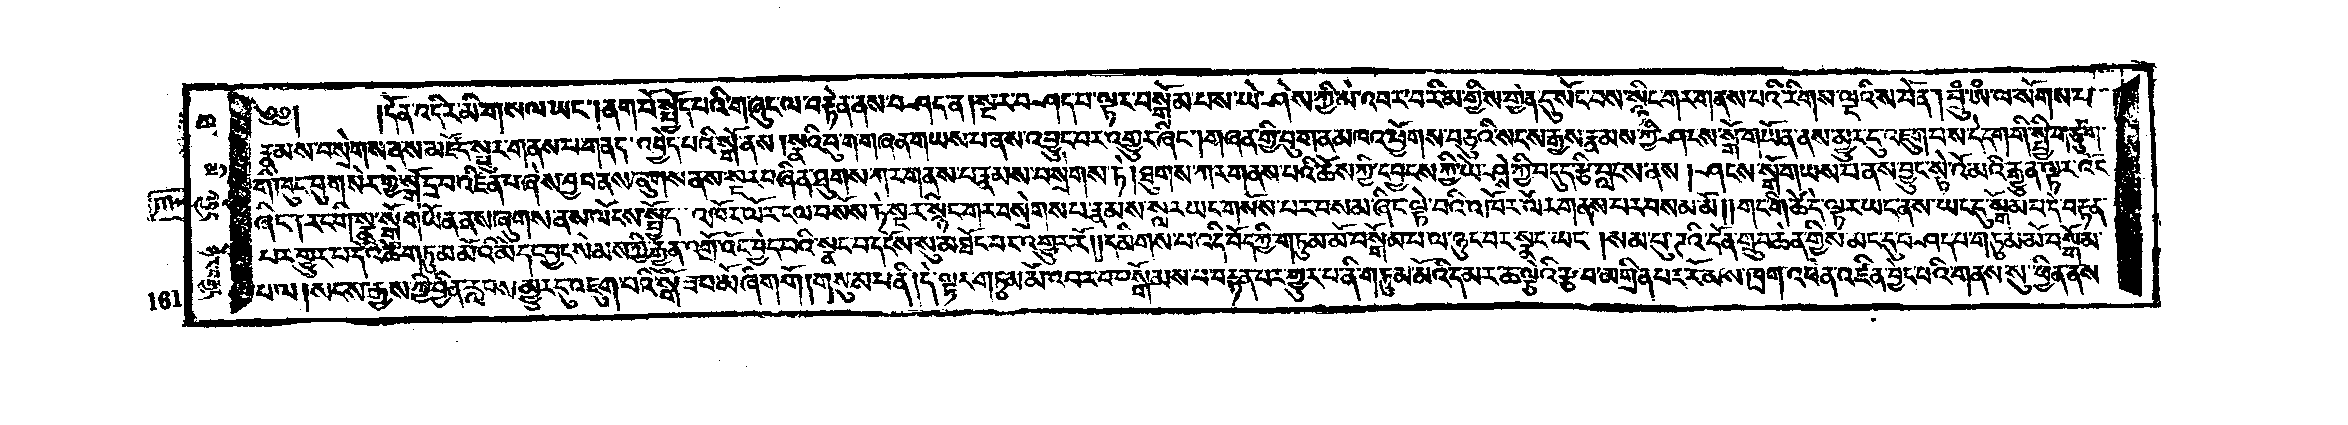༄༅། །དོན་འདིར་མི་གསལ་ཡང་། ནག་པོ་སྤྱོད་པའི་གཞུང་ལ་བརྟེན་ནས་བཤད་ན། སྔར་བཤད་པ་ལྟར་བསྒོམ་པས་ཡེ་ཤེས་ཀྱི་མེ་འབར་བ་རིམ་གྱིས་གྱེན་དུ་སོང་བས་སྙིང་གར་གནས་པའི་རིགས་ལྔའི་ས་བོན། བྲུཾ་ཨཾ་ལ་སོགས་པ་
རྣམས་བསྲེགས་ནས་མཛོད་སྤུར་གནས་པ་གནད་འབྱེད་པའི་སྒོ་ནས། སྣའི་བུ་ག་གཞན་གཡས་པ་ནས་འབྱུང་བར་འགྱུར་ཞིང་། གཞན་གྱི་བུ་ག་ནམ་མཁའ་ཕྱོགས་བཅུའི་སངས་རྒྱས་རྣམས་ཀྱི་ཤངས་སྒོ་གཡོན་ནས་མྱུར་དུ་འཇུག་པས་དེ་དག་གི་སྤྱི་གཙུག་
གི་ཁུང་བུ་གསེར་གྱི་སྒོ་དྲ་བ་འཛིན་པ་ཞེས་བྱ་བ་ནས་ཞུགས་ནས་སྔར་བཞིན་ཐུགས་ཀར་གནས་པ་རྣམས་བསྲེགས་ཏེ། ཐུགས་ཀར་གནས་པའི་ཆོས་ཀྱི་དབྱིངས་ཀྱི་ཡེ་ཤེས་ཀྱི་བདུད་རྩི་བླངས་ནས། ཤངས་སྒོ་གཡས་པ་ནས་བྱུང་སྟེ་འོ་མའི་རྒྱུན་ལྟར་འོང་
ཞིང་། རང་གི་སྣ་སྒོ་གཡོན་ནས་ཞུགས་ནས་ལོངས་སྤྱོད་འཁོར་ལོར་ངལ་བསོས་ཏེ་སྔར་སྙིང་གར་བསྲེགས་པ་རྣམས་སླར་ཡང་གསོས་པར་བསམ་ཞིང་ལྟེ་བའི་འཁོར་ལོར་གནས་པར་བསམ་མོ། །གང་གི་ཚེ་དེ་ལྟར་ཡང་ནས་ཡང་དུ་སྒོམ་པ་དེ་བརྟན་
པར་གྱུར་པ་དེའི་ཚེ་གཏུམ་མོའི་མེ་དང་བྱང་སེམས་ཀྱི་རྒྱུན་འགྲོ་འོང་བྱེད་པའི་སྣང་བ་དངོས་སུ་མཐོང་བར་འགྱུར་རོ། །དམིགས་པ་འདི་བོད་ཀྱི་གཏུམ་མོ་བསྒོམ་པ་ལ་ཉུང་བར་སྣང་ཡང་། སམ་པུ་ཊའི་དོན་གྲུབ་ཆེན་གྱིས་མང་དུ་བཤད་པ་གཏུམ་མོ་བསྒོམ་
པ་ལ། སངས་རྒྱས་ཀྱི་བྱིན་རླབས་མྱུར་དུ་འཇུག་པའི་སྒོ་ཟབ་མོ་ཞིག་གོ །གསུམ་པ་ནི། དེ་ལྟར་གཏུམ་མོ་འབར་བ་བསྒོམས་པ་བརྟན་པར་གྱུར་པ་ནི་གཏུམ་མོའི་དམར་ཆ་ལྕེའི་རྩ་བ་མགྲིན་པར་རོ་མོའི་ཁྲག་འཕེན་འཛིན་བྱེད་པའི་གནས་སུ་ཕྱིན་ན་